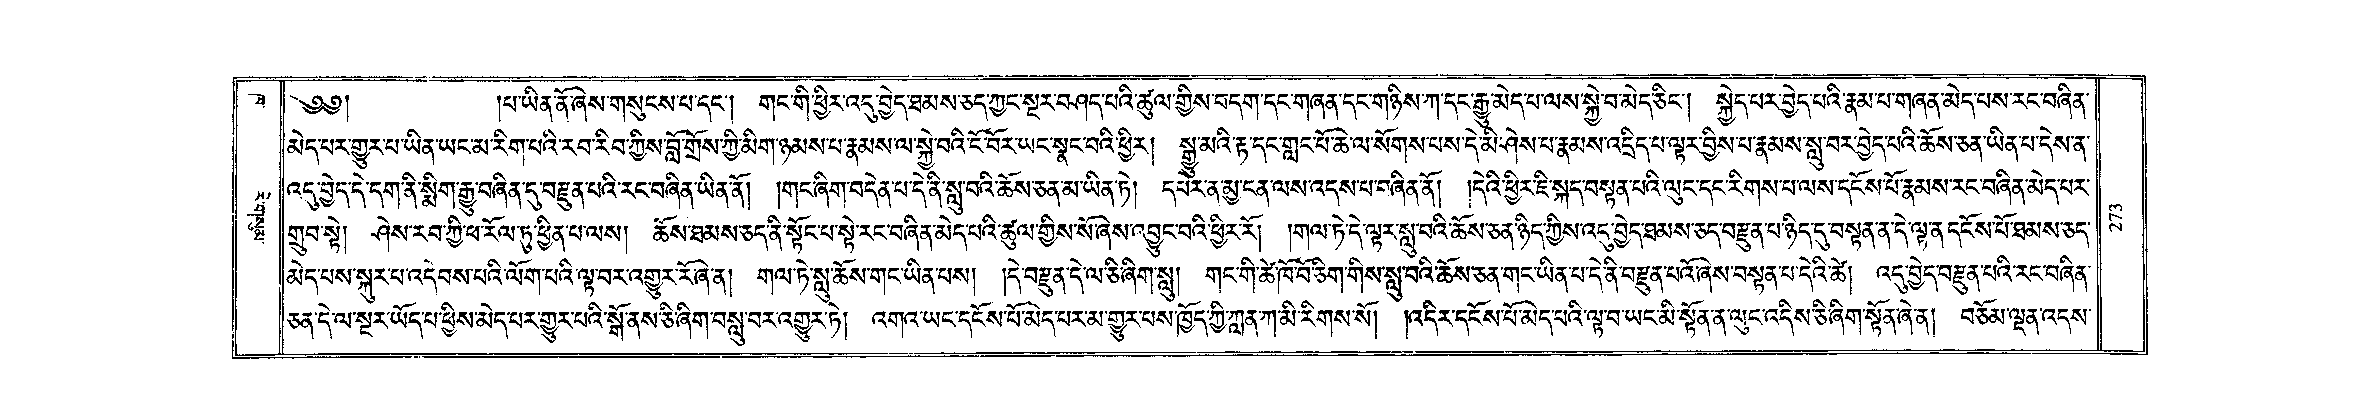༄༅། །པ་ཡིན་ནོ་ཞེས་གསུངས་པ་དང་། གང་གི་ཕྱིར་འདུ་བྱེད་ཐམས་ཅད་ཀྱང་སྔར་བཤད་པའི་ཚུལ་གྱིས་བདག་དང་གཞན་དང་གཉིས་ཀ་དང་རྒྱུ་མེད་པ་ལས་སྐྱེ་བ་མེད་ཅིང་། སྐྱེད་པར་བྱེད་པའི་རྣམ་པ་གཞན་མེད་པས་རང་བཞིན་
མེད་པར་གྱུར་པ་ཡིན་ཡང་མ་རིག་པའི་རབ་རིབ་ཀྱིས་བློ་གྲོས་ཀྱི་མིག་ཉམས་པ་རྣམས་ལ་སྐྱེ་བའི་ངོ་བོར་ཡང་སྣང་བའི་ཕྱིར། སྒྱུ་མའི་རྟ་དང་གླང་པོ་ཆེ་ལ་སོགས་པས་དེ་མི་ཤེས་པ་རྣམས་འདྲིད་པ་ལྟར་བྱིས་པ་རྣམས་སླུ་བར་བྱེད་པའི་ཆོས་ཅན་ཡིན་པ་དེས་ན་
འདུ་བྱེད་དེ་དག་ནི་སྨིག་རྒྱུ་བཞིན་དུ་བརྫུན་པའི་རང་བཞིན་ཡིན་ནོ། །གང་ཞིག་བདེན་པ་དེ་ནི་སླུ་བའི་ཆོས་ཅན་མ་ཡིན་ཏེ། དཔེར་ན་མྱ་ངན་ལས་འདས་པ་བཞིན་ནོ། །དེའི་ཕྱིར་ཇི་སྐད་བསྟན་པའི་ལུང་དང་རིགས་པ་ལས་དངོས་པོ་རྣམས་རང་བཞིན་མེད་པར་
གྲུབ་སྟེ། ཤེས་རབ་ཀྱི་ཕ་རོལ་ཏུ་ཕྱིན་པ་ལས། ཆོས་ཐམས་ཅད་ནི་སྟོང་པ་སྟེ་རང་བཞིན་མེད་པའི་ཚུལ་གྱིས་སོ་ཞེས་འབྱུང་བའི་ཕྱིར་རོ། །གལ་ཏེ་དེ་ལྟར་སླུ་བའི་ཆོས་ཅན་ཉིད་ཀྱིས་འདུ་བྱེད་ཐམས་ཅད་བརྫུན་པ་ཉིད་དུ་བསྟན་ན་དེ་ལྟ་ན་དངོས་པོ་ཐམས་ཅད་
མེད་པས་སྐུར་པ་འདེབས་པའི་ལོག་པའི་ལྟ་བར་འགྱུར་རོ་ཞེ་ན། གལ་ཏེ་སླུ་ཆོས་གང་ཡིན་པས། །དེ་བརྫུན་དེ་ལ་ཅི་ཞིག་སླུ། གང་གི་ཚེ་ཁོ་བོ་ཅིག་གིས་སླུ་བའི་ཆོས་ཅན་གང་ཡིན་པ་དེ་ནི་བརྫུན་པའོ་ཞེས་བསྟན་པ་དེའི་ཚེ། འདུ་བྱེད་བརྫུན་པའི་རང་བཞིན་
ཅན་དེ་ལ་སྔར་ཡོད་པ་ཕྱིས་མེད་པར་གྱུར་པའི་སྒོ་ནས་ཅི་ཞིག་བསླུ་བར་འགྱུར་ཏེ། འགའ་ཡང་དངོས་པོ་མེད་པར་མ་གྱུར་པས་ཁྱོད་ཀྱི་ཀླན་ཀ་མི་རིགས་སོ། །འདིར་དངོས་པོ་མེད་པའི་ལྟ་བ་ཡང་མི་སྟོན་ན་ལུང་འདིས་ཅི་ཞིག་སྟོན་ཞེ་ན། བཅོམ་ལྡན་འདས་